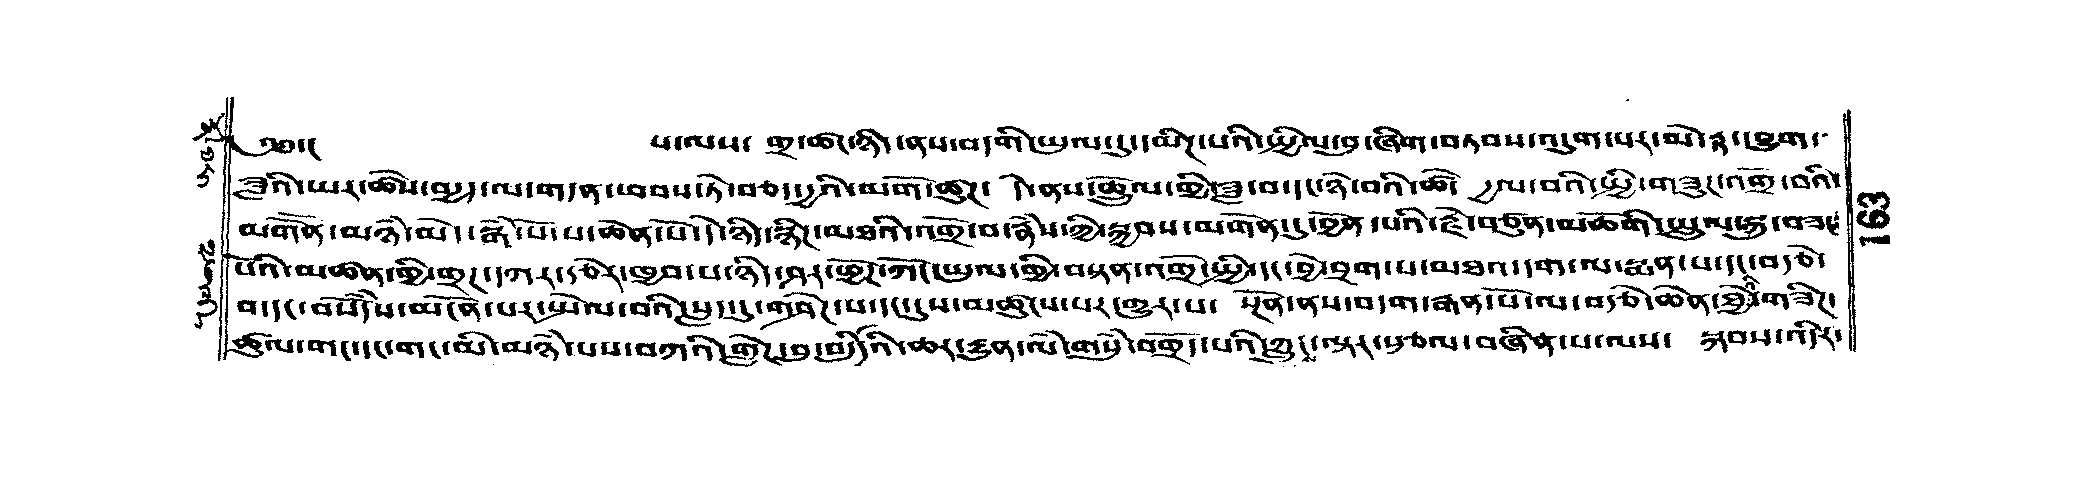པ་ལས། གྲྭ་ཚང་ཉིད་ནས་བདག་གི་ཡུལ་དུ་དམིགས་པའི་སྤྱིལ་བུ་ཞིག་བཏབ་འདུག་པར་མེ་རྟ་དབྱུག་
ཟླའི་ཡར་ཚེས་བརྒྱད་ལ་གདན་ཕབས་ཏེ་བཅད་རྒྱའི་འགོ་ཚུགས། དེ་ནས་ཆོ་འཕྲུལ་གྱི་ཟླ་བ་དང་ཉེ་བའི་ཚེ། རྒྱལ་བའི་སྤྱི་གཟུགས་འགྲོ་བའི་
མགོན་པོ་མཉམ་མེད་སྒམ་པོ་པ་ཆེན་པོ་དེ་ཉིད་སྙིགས་མཐའི་འགྲོ་བ་རྣམས་ཀྱི་སྐྱབས་མགོན་དུ་བྱོན་པའི་རྗེ་བཙུན་མཆོག་གི་སྤྲུལ་སྐུ་བཟང་
པོའི་མཚན་གྱི་གྲགས་དཀར་རྩེར་ཁྱབ་པ་ཉིད་ཤར་ཕྱོགས་ཀོང་ཡུལ་གྱི་བསྟན་འགྲོ་སྤྱི་དང་བྱེ་བྲག་པ་མཐའ་དག་ལ་སྨན་པ་དང་བརྩེ་
བ་དང་བསོད་ནམས་མངོན་པར་སྤེལ་བའི་སླད་དུ་གཤེགས་པ་དང་དུས་མཚུངས་པར་གྱུར་པ། སྔོན་ནས་བདག་རྒན་པོ་ལ་བརྩེ་ཆེན་ཐུགས་རྗེའི་གཟིགས་
ཚུལ་གང་དང་གང་མི་མཉམ་པས་བཀའི་གླེགས་བུ་བདུད་རྩིའི་ཆར་རྒྱུན་ལམ་གསུམ་བགྲོད་པའི་ཀླུངས་ལྟར་སྩལ་བཞིན་པ་ལས། སྐབས་འདིར་